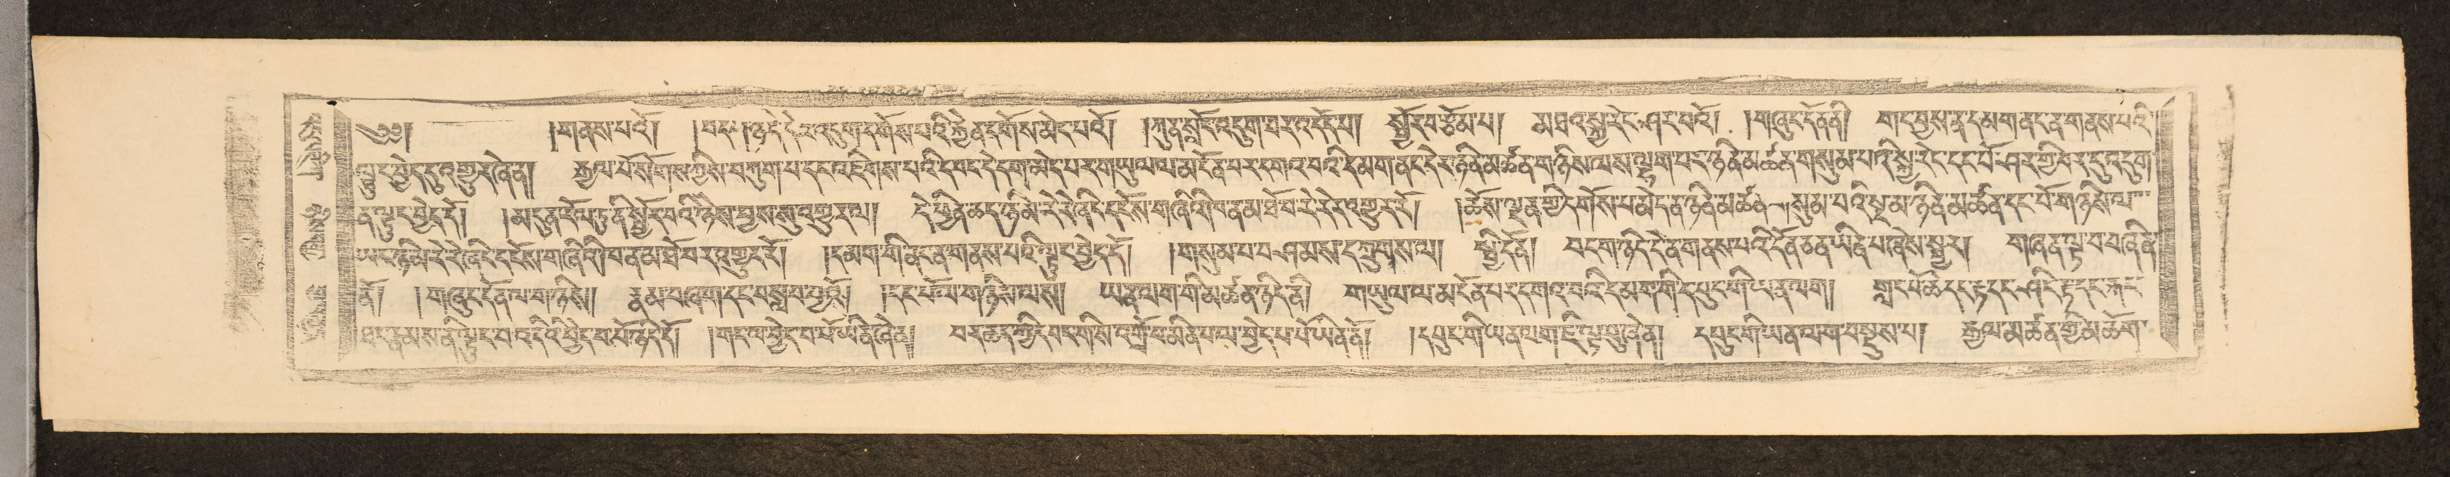༄༅། །གནས་པའོ། །བདག་ཉིད་དེར་འདུག་དགོས་པའི་རྐྱེན་དགོས་མེད་པའོ། །ཀུན་སློང་འདུག་པར་འདོད་པ། སྦྱོར་བ་རྩོམ་པ། མཐའ་སྐྱ་རེང་ཤར་བའོ། །གཞུང་དོན་ནི། གང་བྱས་ན་དམག་ནང་ན་གནས་པའི་
ལྟུང་བྱེད་དུ་འགྱུར་ཞེ་ན། རྒྱལ་པོ་སོགས་ཀྱིས་བཀུག་པ་དང་འཇིགས་པའི་དབང་དེ་དག་མེད་པར་གཡུལ་ལ་མངོན་པར་དགའ་བའི་དམག་ནང་དེར་ཉིན་མཚན་གཉིས་ལས་ལྷག་པར་ཉིན་མཚན་གསུམ་པའི་སྐྱ་རེང་དང་པོ་ཤར་གྱི་བར་དུ་འདུག་
ན་ལྟུང་བྱེད་དོ། །མདུན་རོལ་ཏུ་ནི་སྦྱོར་བའི་ཉེས་བྱས་སུ་འགྱུར་ལ། དེ་ཕྱིན་ཆད་ཉི་མ་རེ་རེ་ཞིང་དངོས་གཞིའི་ཁན་མ་ཐོ་བ་རེ་རེར་འགྱུར་རོ། །ཆོས་ལྡན་གྱི་དགོས་པ་མེད་ན་ཉིན་མཚན་གསུམ་པའི་སྔ་མ་ཉིན་མཚན་དང་པོ་གཉིས་ལ་
ཡང་ཉི་མ་རེ་རེ་ཞིང་དངོས་གཞིའི་ཁ་ནམ་ཐོ་བར་འགྱུར་རོ། །དམག་གི་ནང་ན་གནས་པའི་ལྟུང་བྱེད་དོ། །གསུམ་པ་བཤམས་དཀྲུགས་ལ། སྤྱི་དོན། བདག་ཉིད་དེ་ན་གནས་པའི་དོན་ཅན་ཡིན་པ་ཞེས་སྦྱར། གཞན་ལྟ་བ་བཞིན་
ནོ། །གཞུང་དོན་ལ་གཉིས། རྣམ་བཞག་དང་བསླབ་བྱའོ། །དང་པོ་ལ་གཉིས་ལས། ཡན་ལག་གི་མཚན་ཉིད་ནི། གཡུལ་ལ་མངོན་པར་དགའ་བའི་དམག་གི་དཔུང་གི་ཡན་ལག། གླང་པོ་ཆེ་དང་རྟ་དང་ཤིང་རྟ་དང་རྐང་
ཐང་རྣམས་ནི་ལྟུང་བ་འདིའི་བྱེད་པ་པོ་ཉིད་དོ། །གང་ལ་བྱེད་བ་པོ་ཡིན་ཞེ་ན། བར་ཆད་ཀྱི་དབང་གིས་འགྲོ་བ་མིན་པ་ལ་བྱེད་པ་པོ་ཡིན་ནོ། །དཔུང་གི་ཡན་ལག་ཇི་ལྟ་བུ་ཞེ་ན། དཔུང་གི་ཡན་ལག་བསྡུས་པ། རྒྱལ་མཚན་གྱི་མཆོག་